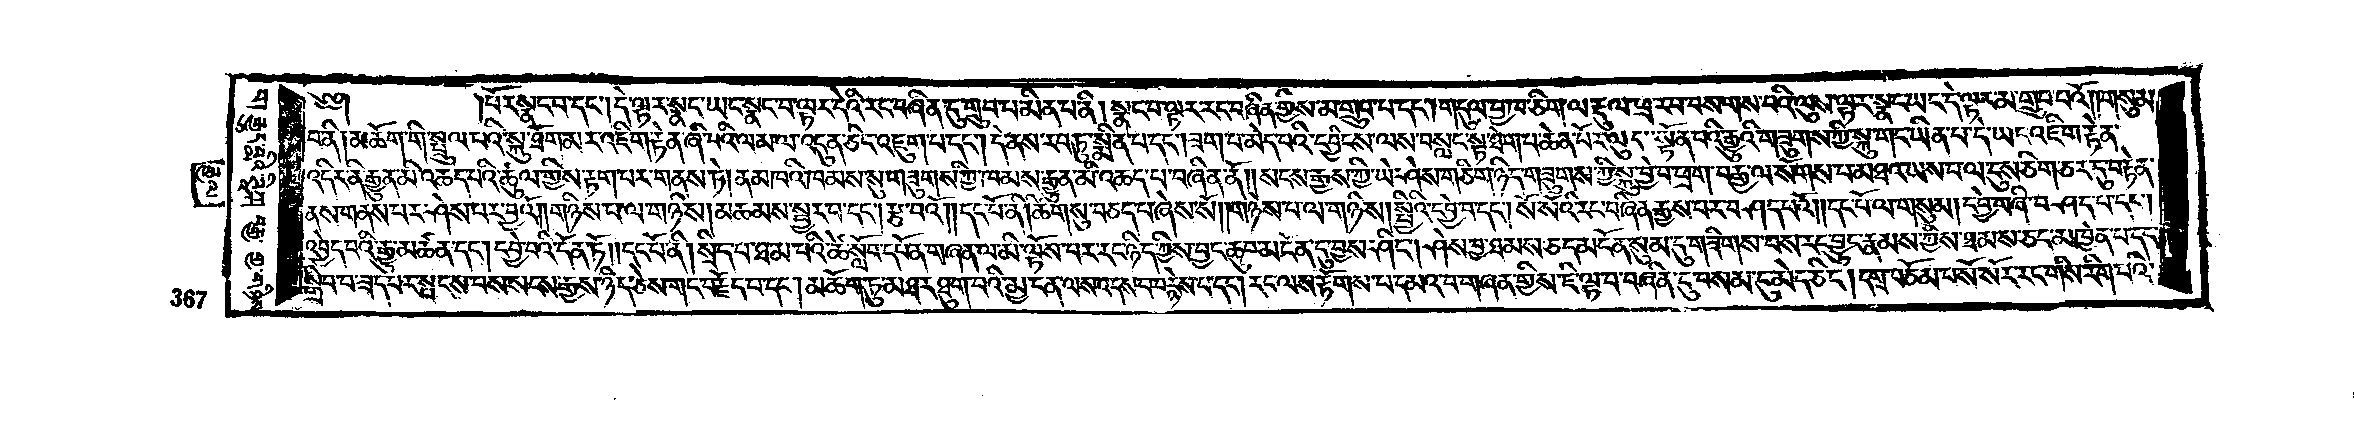༄༅། །པོར་སྣང་བ་དང་། དེ་ལྟར་སྣང་ཡང་སྣང་བ་ལྟར་དེའི་རང་བཞིན་དུ་གྲུབ་པ་མིན་པ་ནི། སྣང་བ་ལྟར་རང་བཞིན་གྱིས་མ་གྲུབ་པ་དང་། གདུལ་བྱ་ཁ་ཅིག་ལ་རྡུལ་ཕྲ་རབ་བསགས་པའི་ལུས་ལྟར་སྣང་ཡང་དེ་ལྟར་མ་གྲུབ་པའོ། །གསུམ་
པ་ནི། མཆོག་གི་སྤྲུལ་པའི་སྐུ་ཐོག་མར་འཇིག་རྟེན་ཞི་བའི་ལམ་ལ་འདུན་ཅིང་འཇུག་པ་དང་། དེ་ནས་རབ་ཏུ་སྨིན་པ་དང་། ཟག་པ་མེད་པའི་དབྱིངས་ལས་བསླང་སྟེ་ཐེག་པ་ཆེན་པོར་ལུང་སྟོན་པའི་རྒྱུའི་གཟུགས་ཀྱི་སྐུ་གང་ཡིན་པ་དེ་ཡང་འཇིག་རྟེན་
འདིར་ནི་རྒྱུན་མི་འཆད་པའི་ཚུལ་གྱིས་རྟག་པར་གནས་ཏེ། ནམ་མཁའི་ཁམས་སུ་གཟུགས་ཀྱི་ཁམས་རྒྱུན་མི་འཆད་པ་བཞིན་ནོ། །སངས་རྒྱས་ཀྱི་ཡེ་ཤེས་གཅིག་ཉིད་གཟུགས་ཀྱི་སྐུ་བྱེ་བ་ཕྲག་བརྒྱ་ལ་སོགས་པ་མཐའ་ཡས་པ་ལ་དུས་ཅིག་ཅར་དུ་བརྟེན་
ནས་གནས་པར་ཤེས་པར་བྱའོ། །གཉིས་པ་ལ་གཉིས། མཚམས་སྦྱར་བ་དང་། རྩ་བའོ། །དང་པོ་ནི། ཚིགས་སུ་བཅད་པ་ཞེས་སོ། །གཉིས་པ་ལ་གཉིས། སྤྱིའི་དབྱེ་བ་དང་། སོ་སོའི་རང་བཞིན་རྒྱས་པར་བཤད་པའོ། །དང་པོ་ལ་གསུམ། དབྱེ་གཞི་བཤད་པ་དང་།
འབྱེད་པའི་རྒྱུ་མཚན་དང་། དབྱེ་བའི་དོན་ཏོ། །དང་པོ་ནི། སྲིད་པ་ཐ་མ་པའི་ཚེ་སློབ་དཔོན་གཞན་ལ་མི་ལྟོས་པར་རང་ཉིད་ཀྱིས་བྱང་ཆུབ་མངོན་དུ་བྱས་ཤིང་། ཤེས་བྱ་ཐམས་ཅད་མངོན་སུམ་དུ་གཟིགས་པས་རང་བྱུང་རྣམས་ཀྱིས་ཐམས་ཅད་མཁྱེན་པ་དང་
སྒྲིབ་པ་ཟད་པར་སྤངས་པས་སངས་རྒྱས་ཉིད་ཅེས་གང་བརྗོད་པ་དང་། མཆོག་ཏུ་མཐར་ཐུག་པའི་མྱ་ངན་ལས་འདས་པ་བརྙེས་པ་དང་། རང་ལས་རྟོགས་པ་དམའ་བ་གཞན་གྱིས་ཇི་ལྟ་བ་བཞིན་དུ་བསམ་དུ་མེད་ཅིང་། དགྲ་བཅོམ་པ་སོ་སོར་རང་གིས་རིག་པའི་